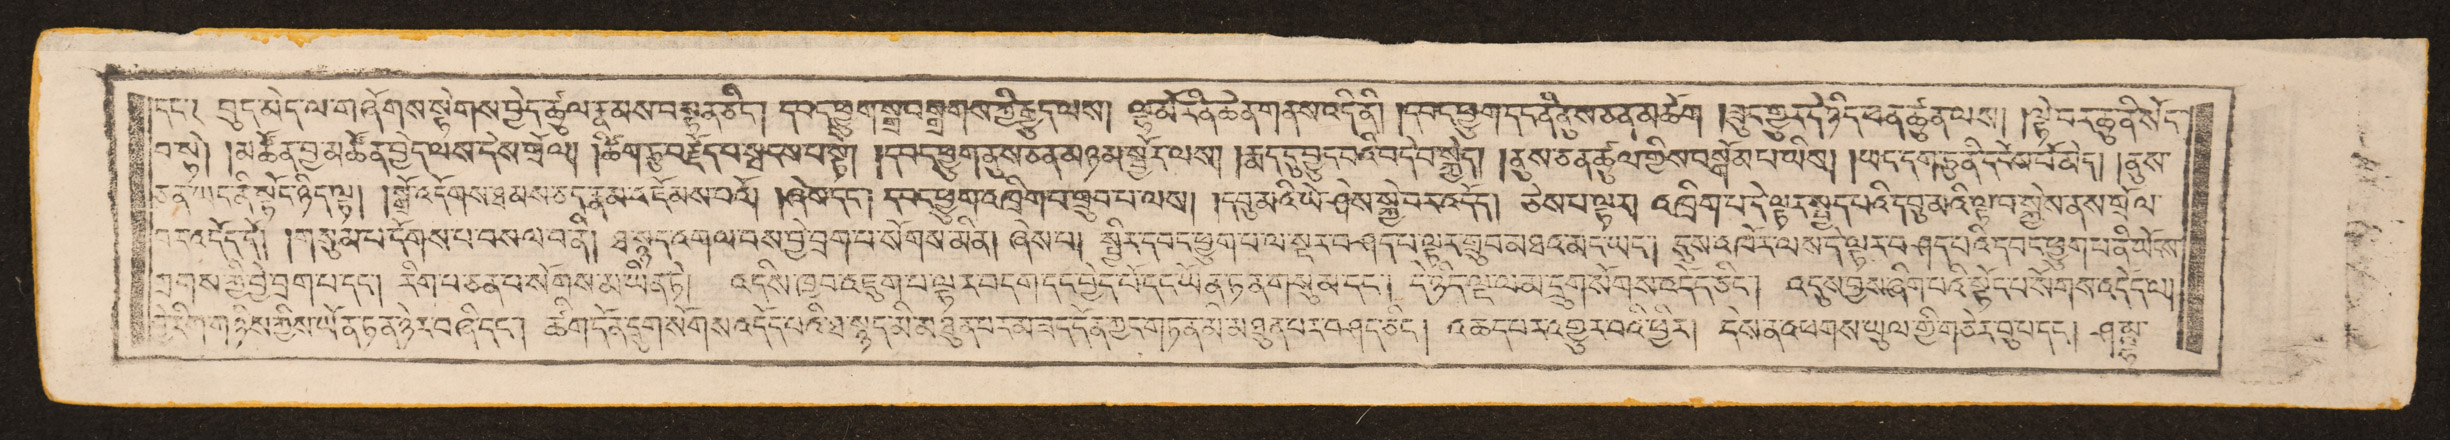དང༑ བུད་མེད་ལ་གཞོགས་སྟེགས་བྱེད་ཚུལ་རྣམས་བསྟན་ཅིང་། དབང་ཕྱུག་སྒྲ་བསྒྲགས་ཀྱི་རྒྱུད་ལས། ལྷ་མོ་རིན་ཆེན་གནས་འདི་ནི། །དབང་ཕྱུག་དང་ནི་ནུས་ཅན་མཆོག །ཟུང་གྱུར་དེ་ཉིད་ཕན་ཚུན་ལས། །ལྟེ་བར་ཆུ་ནི་སོང་
བ་སྟེ། །མཚོན་བྱ་མཚོན་བྱེད་ལས་ངེས་གྲོལ། །ཚིག་ཏུ་བརྗོད་པ་སྤངས་པ་སྟེ། །དབང་ཕྱུག་ནུས་ཅན་མཉམ་སྦྱོར་ལས། །རྨད་དུ་བྱུང་བའི་བདེ་བསྐྱེད། །ནུས་ཅན་ཚུལ་གྱིས་བསྒོམ་པ་ཡིས། །ཡང་དག་ཏུ་ནི་དངོས་པོ་མེད། །ནུས་
ཅན་ཡང་ནི་སྟོང་ཉིད་ལྟ། །སྒྲོ་འདོགས་ཐམས་ཅད་རྣམ་འཇོམས་པའོ། །ཞེས་དང་། དབང་ཕྱུག་འཁྲིག་པ་གྲུབ་པ་ལས། །དབུ་མའི་ཡེ་ཤེས་སྐྱེ་བར་འདོད། ཅེས་པ་ལྟར། འཁྲིག་པ་དེ་ལྟར་སྦྱད་པའི་དབུ་མའི་ལྟ་བ་སྐྱེས་ནས་གྲོལ་
བར་འདོད་དོ། །གསུམ་པ་དོགས་པ་བསལ་བ་ནི། ཐ་སྙད་འགལ་བས་བྱེ་བྲག་པ་སོགས་མིན། ཞེས་པ། སྦྱིར་དབང་ཕྱུག་པ་ལ་སྔར་བཤད་པ་ལྟར་གྲུབ་མཐའ་མང་ཡང་། དུས་འཁོར་ལས་དེ་ལྟར་བཤད་པའི་དབང་ཕྱུག་པ་ནི་ཡོངས་
གྲགས་ཀྱི་བྱེ་བྲག་པ་དང་། རིག་པ་ཅན་པ་སོགས་མ་ཡིན་ཏེ། འདིས་ཁྱབ་འཇུག་པ་ལྟར་བདག་དང་བྱེད་པོ་དང་ཡོན་ཏན་གསུམ་དང་། དེ་ཉིད་ལྔ་ལམ་དྲུག་སོགས་འདོད་ཅིང་། འདུས་བྱས་ཞིག་པའི་སྟོང་པ་སོགས་འདེད་ལ།
གྱི་?་རིག་གཉིས་ཀྱིས་ཡོན་ཏན་ཉེར་བཞི་དང་། ཚིག་དོན་དྲུག་སོགས་འདོད་པའི་ཐ་སྙན་མི་མཐུན་པར་མ་ཟད་དོན་ཀྱང་གཏན་མི་མཐུན་པར་བཤད་ཅིང་། འཆད་པར་འགྱུར་བའི་ཕྱིར། ངེས་ན་འཕགས་ཡུལ་གྱི་གཅེར་བུ་པ་ད་?་ཤམྦྷ་